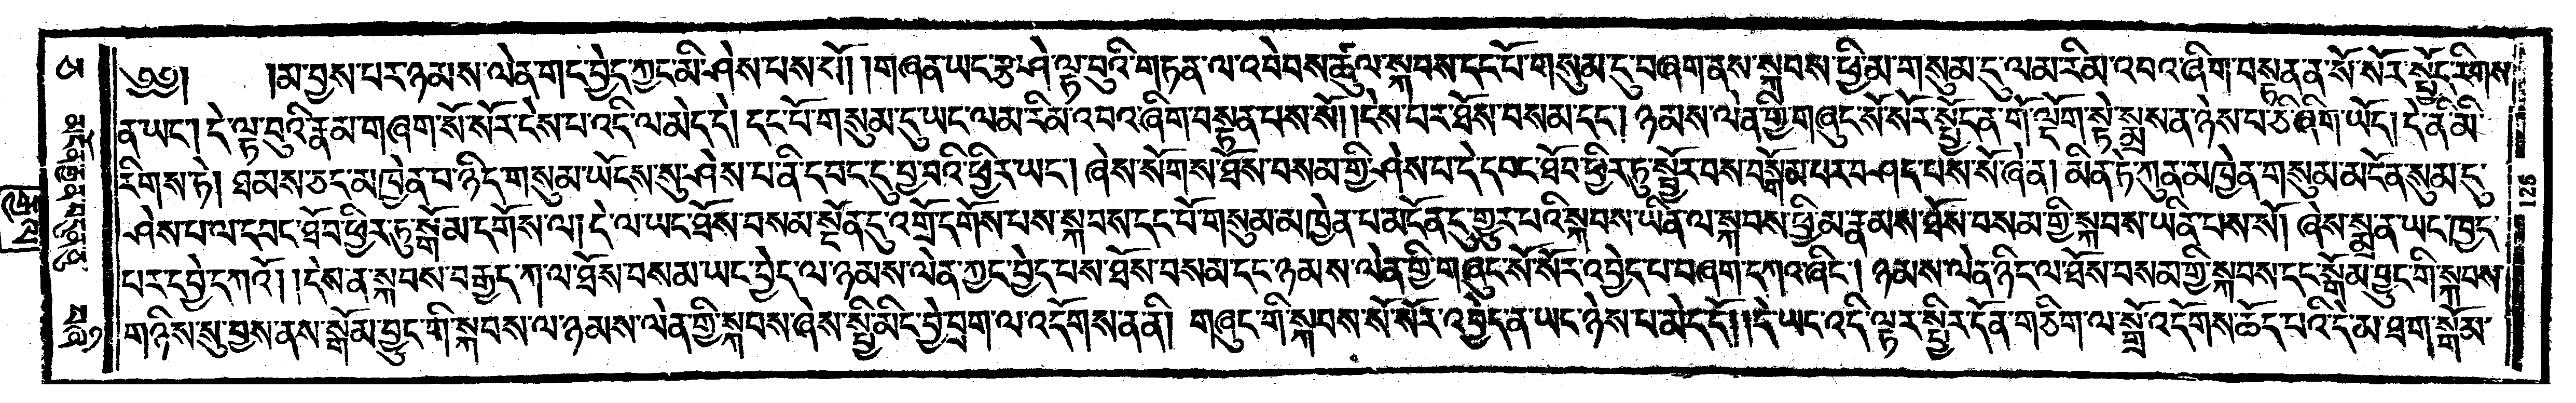༄༅། །མ་བྱས་པར་ཉམས་ལེན་གང་བྱེད་ཀྱང་མི་ཤེས་པས་སོ། །གཞན་ཡང་རྩ་ཤེ་ལྟ་བུའི་གཏན་ལ་འབེབས་ཚུལ་སྐབས་དང་པོ་གསུམ་དུ་བཞག་ནས་སྐབས་ཕྱི་མ་གསུམ་དུ་ལམ་རིམ་འབའ་ཞིག་བསྟན་ན་སོ་སོར་སྤྱོད་རིགས་
ན་ཡང་། དེ་ལྟ་བུའི་རྣམ་གཞག་སོ་སོར་ངེས་པ་འདི་ལ་མེད་དེ། དང་པོ་གསུམ་དུ་ཡང་ལམ་རིམ་འབའ་ཞིག་བསྟན་པས་སོ། །ངེས་པར་ཐོས་བསམ་དང་། ཉམས་ལེན་གྱི་གཞུང་སོ་སོར་སྤྱོད་ན་གོ་ལྡོག་སྟེ་སྨྲས་ན་ཉེས་པ་ཅི་ཞིག་ཡོད། དེ་ནི་མི་
རིགས་ཏེ། ཐམས་ཅད་མཁྱེན་པ་ཉིད་གསུམ་ཡོངས་སུ་ཤེས་པ་ནི་དབང་དུ་བྱ་བའི་ཕྱིར་ཡང་། ཞེས་སོགས་ཐོས་བསམ་གྱི་ཤེས་པ་དེ་དབང་ཐོབ་ཕྱིར་ཏུ་སྦྱོར་བས་བསྒོམ་པར་བཤད་པས་སོ་ཞེ་ན། མིན་ཏེ་ཀུན་མཁྱེན་གསུམ་མངོན་སུམ་དུ་
ཤེས་པ་ལ་དབང་ཐོབ་ཕྱིར་ཏུ་སྒོམ་དགོས་ལ། དེ་ལ་ཡང་ཐོས་བསམ་སྔོན་དུ་འགྲོ་དགོས་པས་སྐབས་དང་པོ་གསུམ་མཁྱེན་པ་མངོན་དུ་གྱུར་པའི་སྐབས་ཡིན་ལ་སྐབས་ཕྱི་མ་རྣམས་ཐོས་བསམ་གྱི་སྐབས་ཡིན་པས་སོ། ཞེས་སྨྲ་ན་ཡང་ཁྱད་
པར་དབྱེ་དཀའོ། །དེས་ན་སྐབས་བརྒྱད་ཀ་ལ་ཐོས་བསམ་ཡང་བྱེད་ལ་ཉམས་ལེན་ཀྱང་བྱེད་པས་ཐོས་བསམ་དང་ཉམས་ལེན་གྱི་གཞུང་སོ་སོར་འབྱེད་པ་བཞག་དཀའ་ཞིང་། ཉམས་ལེན་ཉིད་ལ་ཐོས་བསམ་གྱི་སྐབས་དང་སྒོམ་བྱུང་གི་སྐབས་
གཉིས་སུ་བྱས་ནས་སྒོམ་བྱུང་གི་སྐབས་ལ་ཉམས་ལེན་གྱི་སྐབས་ཞེས་སྤྱི་མིང་བྱེ་བྲག་ལ་འདོགས་ན་ནི། གཞུང་གི་སྐབས་སོ་སོར་འབྱེད་ན་ཡང་ཉེས་པ་མེད་དོ། །དེ་ཡང་འདི་ལྟར་སྤྱིར་དོན་གཅིག་ལ་སྒྲོ་འདོགས་ཆོད་པའི་དེ་མ་ཐག་སྒོམ་